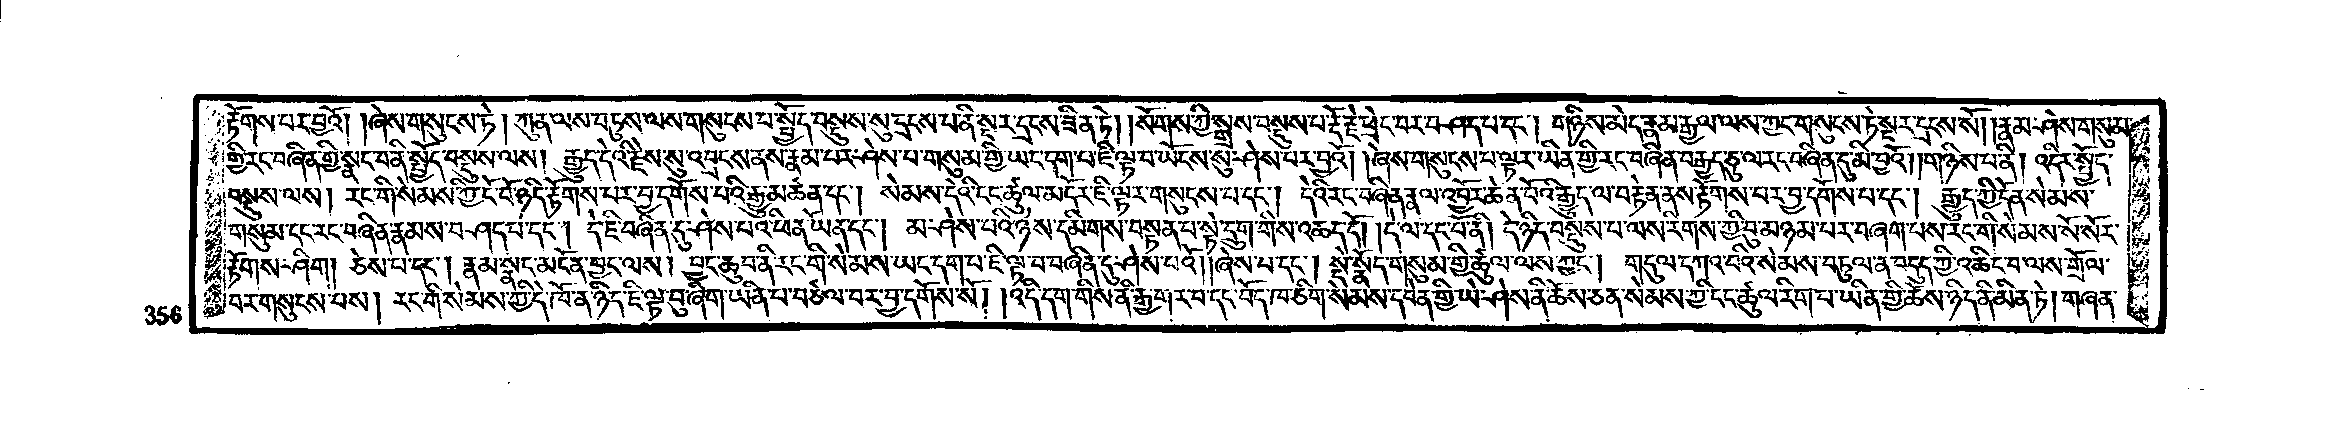རྟོགས་པར་བྱའོ། །ཞེས་གསུངས་ཏེ། ཀུན་ལས་བཏུས་ལས་གསུངས་པ་སྤྱོད་བསྡུས་སུ་དྲངས་པ་ནི་སྔར་དྲངས་ཟིན་ཏོ། །སོགས་ཀྱི་སྒྲས་བསྡུས་པ་རྡོ་རྗེ་ཕྲེང་བར་བཤད་པ་དང་། གཉིས་མེད་རྣམ་རྒྱལ་ལས་ཀྱང་གསུངས་ཏེ་སྔར་དྲངས་སོ། །རྣམ་ཤེས་གསུམ་
གྱི་རང་བཞིན་གྱི་སྣང་བ་ནི་སྤྱོད་བསྡུས་ལས། རྒྱུད་དེའི་རྗེས་སུ་འབྲངས་ནས་རྣམ་པར་ཤེས་པ་གསུམ་གྱི་ཡང་དག་པ་ཇི་ལྟ་བ་ཡོངས་སུ་ཤེས་པར་བྱའོ། །ཞེས་གསུངས་པ་ལྟར་ཡིན་གྱི་རང་བཞིན་བརྒྱད་ཅུ་ལ་རང་བཞིན་དུ་མི་བྱའོ། །གཉིས་པ་ནི། འདིར་སྤྱོད་
བསྡུས་ལས། རང་གི་སེམས་ཀྱི་ངོ་བོ་ཉིད་རྟོགས་པར་བྱ་དགོས་པའི་རྒྱུ་མཚན་དང་། སེམས་དེའི་ངང་ཚུལ་མདོར་ཇི་ལྟར་གསུངས་པ་དང་། དེའི་རང་བཞིན་རྣལ་འབྱོར་ཆེན་པོའི་རྒྱུད་ལ་བརྟེན་ནས་རྟོགས་པར་བྱ་དགོས་པ་དང་། རྒྱུད་ཀྱི་དོན་སེམས་
གསུམ་དང་རང་བཞིན་རྣམས་བཤད་པ་དང་། དེ་ཇི་བཞིན་དུ་ཤེས་པའི་ཕན་ཡོན་དང་། མ་ཤེས་པའི་ཉེས་དམིགས་བསྟན་པ་སྟེ་དྲུག་གིས་འཆད་དོ། །དེ་ལ་དང་པོ་ནི། དེ་ཉིད་བསྡུས་པ་ལས་རིགས་ཀྱི་བུ་མཉམ་པར་བཞག་པས་རང་གི་སེམས་སོ་སོར་
རྟོགས་ཤིག །ཅེས་པ་དང་། རྣམ་སྣང་མངོན་བྱང་ལས། བྱང་ཆུབ་ནི་རང་གི་སེམས་ཡང་དག་པ་ཇི་ལྟ་བ་བཞིན་དུ་ཤེས་པའོ། །ཞེས་པ་དང་། སྡེ་སྣོད་གསུམ་གྱི་ཚུལ་ལས་ཀྱང་། གདུལ་དཀའ་བའི་སེམས་བཏུལ་ན་བདུད་ཀྱི་འཆིང་བ་ལས་གྲོལ་
བར་གསུངས་པས། རང་གི་སེམས་ཀྱི་དེ་ཁོ་ན་ཉིད་ཇི་ལྟ་བུ་ཞིག་ཡིན་པ་བཙལ་བར་བྱ་དགོས་སོ། །འདི་དག་གིས་ནི་རྒྱ་གར་བ་དང་བོད་ཁ་ཅིག་སེམས་དབེན་གྱི་ཡེ་ཤེས་ནི་ཆོས་ཅན་སེམས་ཀྱི་ངང་ཚུལ་རིག་པ་ཡིན་གྱི་ཆོས་ཉིད་ནི་མིན་ཏེ། གཞན་